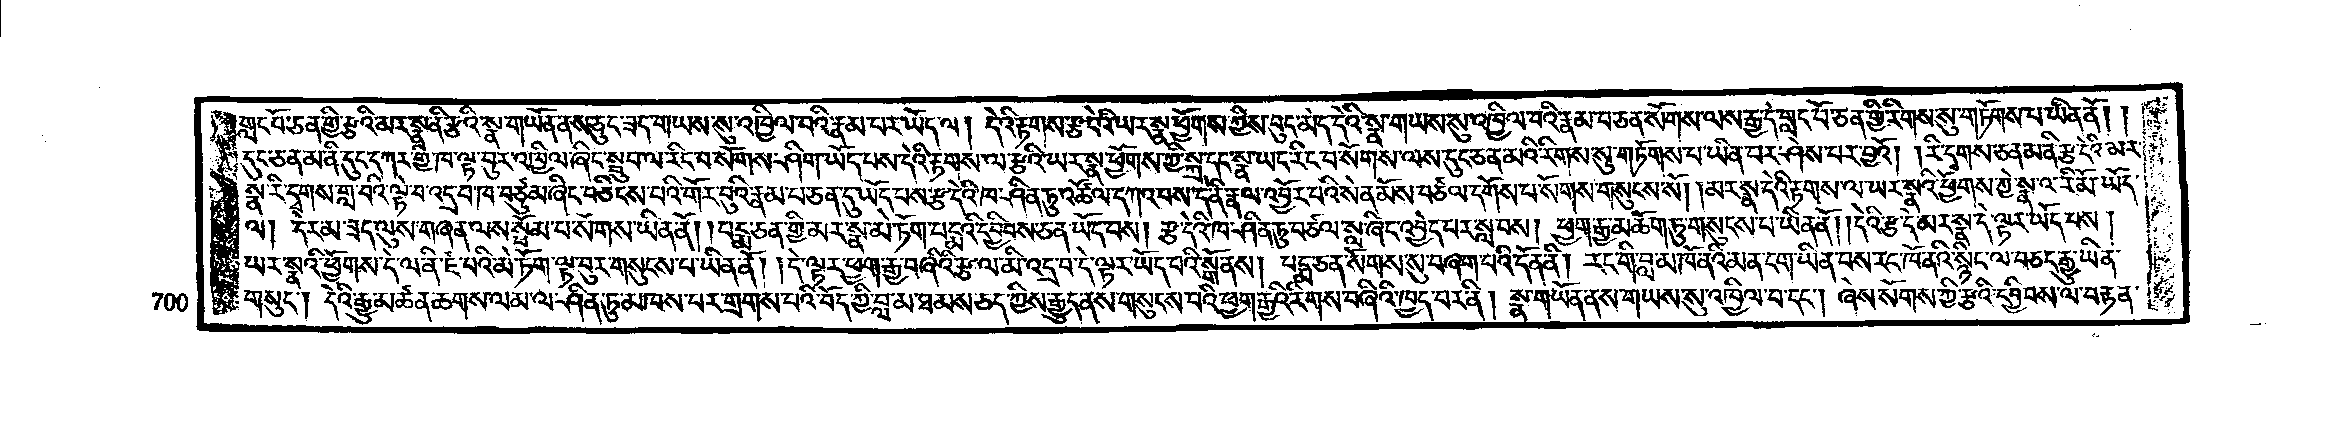གླང་པོ་ཅན་གྱི་རྩའི་མར་སྣ་ནི་རྩའི་སྣ་གཡོན་ནས་ཅུང་ཟད་གཡས་སུ་འཁྱིལ་བའི་རྣམ་པར་ཡོད་ལ། དེའི་རྟགས་རྩ་དེའི་ཡར་སྣ་ཕྱོགས་ཀྱིས་བུད་མེད་དེའི་སྣ་གཡས་སུ་འཁྱིལ་བའི་རྣམ་པ་ཅན་སོགས་ལས་རྒྱ་དེ་གླང་པོ་ཅན་གྱི་རིགས་སུ་གཏོགས་པ་ཡིན་ནོ། །
དུང་ཅན་མ་ནི་དུང་དཀར་གྱི་ཁ་ལྟ་བུར་འཁྱིལ་ཞིང་སྦུབ་ལ་རིང་བ་སོགས་ཤིག་ཡོད་པས་དེའི་རྟགས་ལ་རྩའི་ཡར་སྣ་ཕྱོགས་ཀྱི་སྐྲ་དང་སྣ་ཡང་རིང་བ་སོགས་ལས་དུང་ཅན་མའི་རིགས་སུ་གཏོགས་པ་ཡིན་པར་ཤེས་པར་བྱའོ། །རི་དྭགས་ཅན་མ་ནི་རྩ་དེའི་མར་
སྣ་རི་དྭགས་གླ་བའི་ལྟེ་བ་འདྲ་བ་ཁ་བཙུམ་ཞིང་བཅིངས་པའི་གོར་བུའི་རྣམ་པ་ཅན་དུ་ཡོད་པས་རྩ་དེའི་ཁ་ཤིན་ཏུ་འཚོལ་དཀའ་བས་དེ་ནི་རྣལ་འབྱོར་པའི་སེན་མོས་བཙལ་དགོས་པ་སོགས་གསུངས་སོ། །མར་སྣ་དེའི་རྟགས་ལ་ཡར་སྣའི་ཕྱོགས་ཀྱེ་སྣ་ལ་རི་མོ་ཡོད་
ལ། དེར་མ་ཟད་ལུས་གཞན་ལས་སྦོམ་པ་སོགས་ཡིན་ནོ། །པདམ་ཅན་གྱི་མར་སྣ་མེ་ཏོག་པདམའི་དབྱིབས་ཅན་ཡོད་པས། རྩ་དེའི་ཁ་ཤིན་ཏུ་བཙལ་སླ་ཞིང་འབྱེད་པར་སླབས། ཕྱག་རྒྱ་མཆོག་ཏུ་གསུངས་པ་ཡིན་ནོ། །དེའི་རྩ་དེ་མར་སྣ་དེ་ལྟར་ཡོད་པས།
ཡར་སྣའི་ཕྱོགས་དེ་ལ་ནི་ཛ་བའི་མེ་ཏོག་ལྟ་བུར་གསུངས་པ་ཡིན་ནོ། །དེ་ལྟར་ཕྱག་རྒྱ་བཞིའི་རྩ་ལ་མི་འདྲ་བ་དེ་ལྟར་ཡོད་པའི་སྒོ་ནས། པདམ་ཅན་སོགས་སུ་བཞག་པའི་དོན་ནི། རང་གི་བླ་མ་ཁོ་ནའི་མན་ངག་ཡིན་པས་རང་ཁོ་ནའི་སྙིང་ལ་བཅད་རྒྱུ་ཡིན་
གསུང་། དེའི་རྒྱུ་མཚན་ཆགས་ལམ་ལ་ཤིན་ཏུ་མཁས་པར་གྲགས་པའི་བོད་ཀྱི་བླ་མ་ཐམས་ཅད་ཀྱིས་རྒྱུད་ནས་གསུངས་པའི་ཕྱག་རྒྱའི་རིགས་བཞིའི་ཁྱད་པར་ནི། སྣ་གཡོན་ནས་གཡས་སུ་འཁྱིལ་བ་དང་། ཞེས་སོགས་ཀྱི་རྩའི་དབྱིབས་ལ་བརྟཌ་